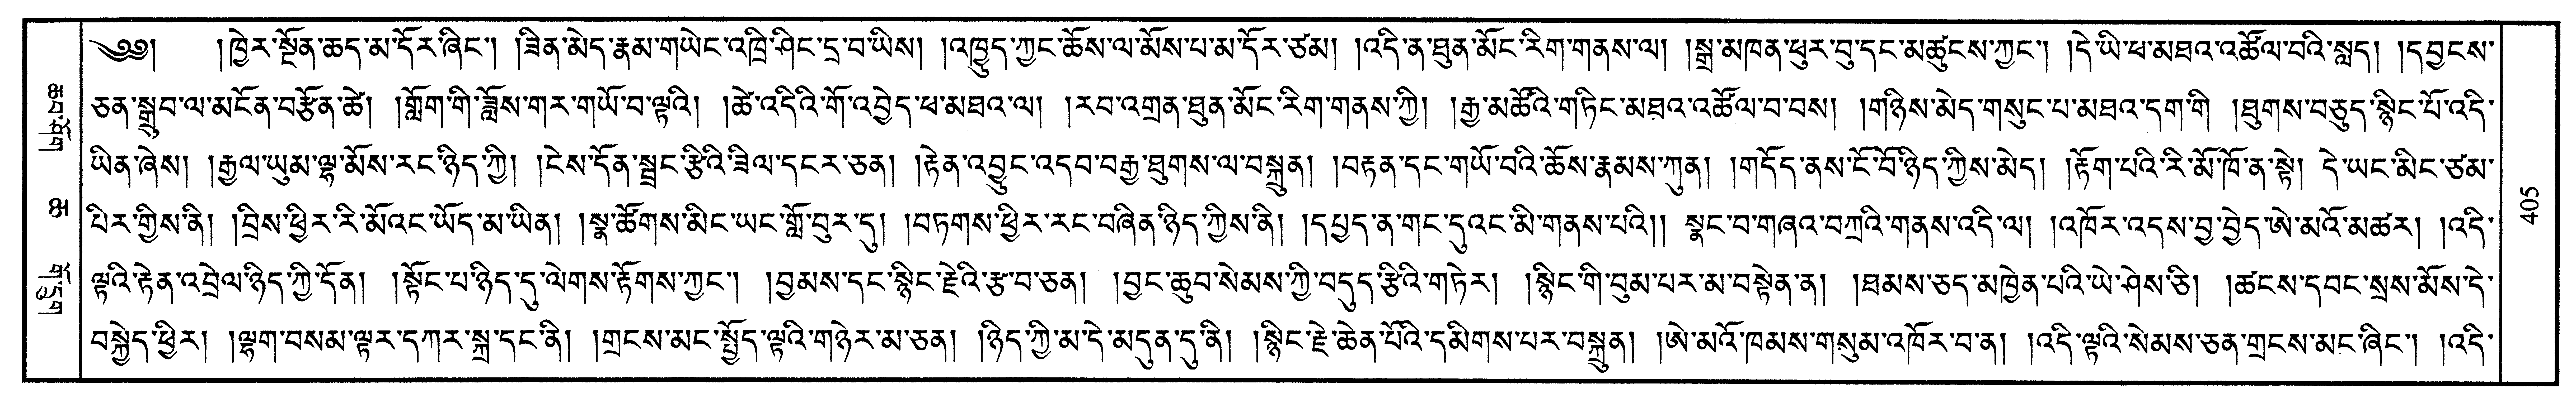༄༅། །ཁྱེར་སྔོན་ཆད་མ་དོར་ཞིང་། །ཟིན་མེད་རྣམ་གཡེང་འཁྲི་ཤིང་དྲ་བ་ཡིས། །འཁྱུད་ཀྱང་ཆོས་ལ་མོས་པ་མ་དོར་ཙམ། །འདི་ན་ཐུན་མོང་རིག་གནས་ལ། །སྒྲ་མཁན་ཕུར་བུ་དང་མཚུངས་ཀྱང་། །དེ་ཡི་ཕ་མཐའ་འཚོལ་བའི་སླད། །དབྱངས་
ཅན་སྒྲུབ་ལ་མངོན་བརྩོན་ཚེ། །གློག་གི་ཟློས་གར་གཡོ་བ་ལྟའི། །ཚེ་འདིའི་གོ་འབྱེད་ཕ་མཐའ་ལ། །རབ་འགྲན་ཐུན་མོང་རིག་གནས་ཀྱི། །རྒྱ་མཚོའི་གཏིང་མཐའ་འཚོལ་བ་བས། །གཉིས་མེད་གསུང་པ་མཐའ་དག་གི །ཐུགས་བཅུད་སྙིང་པོ་འདི་
ཡིན་ཞེས། །རྒྱལ་ཡུམ་ལྷ་མོས་རང་ཉིད་ཀྱི། །ངེས་དོན་སྦྲང་རྩིའི་ཟིལ་དངར་ཅན། །རྟེན་འབྱུང་འདབ་བརྒྱ་ཐུགས་ལ་བསྐྲུན། །བརྟན་དང་གཡོ་བའི་ཆོས་རྣམས་ཀུན། །གདོད་ནས་ངོ་བོ་ཉིད་ཀྱིས་མེད། །རྟོག་པའི་རི་མོ་ཁོ་ན་སྟེ། དེ་ཡང་མིང་ཙམ་
པིར་གྱིས་ནི། །བྲིས་ཕྱིར་རི་མོའང་ཡོད་མ་ཡིན། །སྣ་ཚོགས་མིང་ཡང་གློ་བུར་དུ། །བཏགས་ཕྱིར་རང་བཞིན་ཉིད་ཀྱིས་ནི། །དཔྱད་ན་གང་དུའང་མི་གནས་པའི།། སྣང་བ་གཞའ་བཀྲའི་གནས་འདི་ལ། །འཁོར་འདས་བྱ་བྱེད་ཨེ་མའོ་མཚར། །འདི་
ལྟའི་རྟེན་འབྲེལ་ཉིད་ཀྱི་དོན། །སྟོང་པ་ཉིད་དུ་ལེགས་རྟོགས་ཀྱང་། །བྱམས་དང་སྙིང་རྗེའི་རྩ་བ་ཅན། །བྱང་ཆུབ་སེམས་ཀྱི་བདུད་རྩིའི་གཏེར། །སྙིང་གི་བུམ་པར་མ་བསྟེན་ན། །ཐམས་ཅད་མཁྱེན་པའི་ཡེ་ཤེས་ཅི། །ཚངས་དབང་སྲས་མོས་དེ་
བསྐྱེད་ཕྱིར། །ལྷག་བསམ་ལྟར་དཀར་སྐྲ་དང་ནི། །གྲངས་མང་སྤྱོད་ལྟའི་གཉེར་མ་ཅན། །ཉིད་ཀྱི་མ་དེ་མདུན་དུ་ནི། །སྙིང་རྗེ་ཆེན་པོའི་དམིགས་པར་བསྐྲུན། །ཨེ་མའོ་ཁམས་གསུམ་འཁོར་བ་ན། །འདི་ལྟའི་སེམས་ཅན་གྲངས་མང་ཞིང་། །འདི་